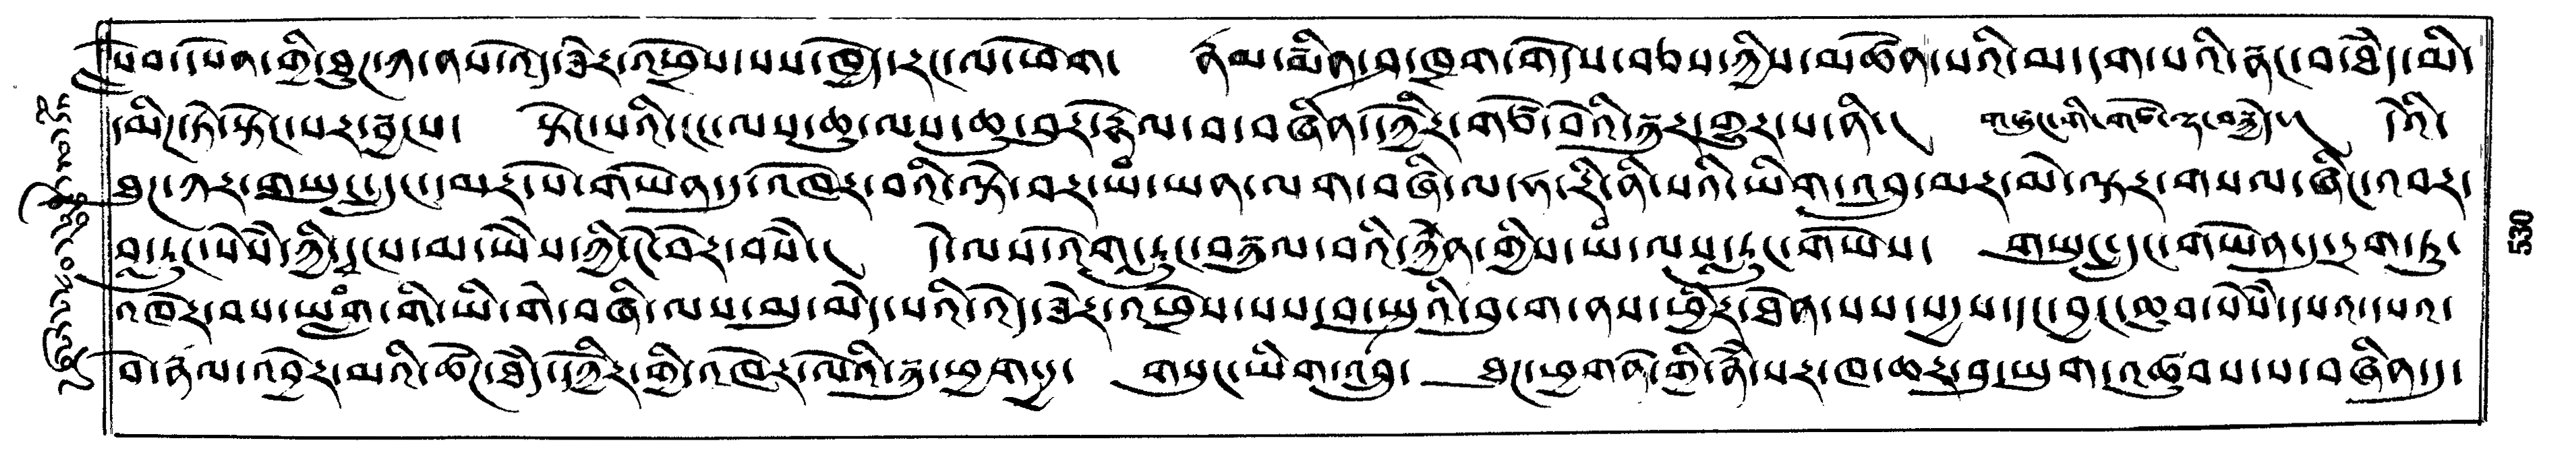སློབ་དཔོན་གྱི་ཐུགས་ཀ་ནས་འོད་ཟེར་འཕྲོས་པས་ཁྱོད་རང་ལ་ཕོག རྣམ་སྨིན་ཤ་ཁྲག་གདོས་བཅས་ཀྱིས་མཚོན་པའི་མ་དག་པའི་སྣང་བ་ཐམས་ཅད་མི་
དམིགས་ཏེ་སྟོང་པར་སྦྱངས། སྟོང་པའི་ངང་ལས་ཆུ་ལས་ཆུ་བུར་རྡོལ་བ་བཞིན་དཀྱིལ་འཁོར་གཙོ་བོའི་སྐུར་གྱུར་པ་ནི། གཞུང་གི་གཙོ་ལྷ་བསྐྱེད། དེའི་
ཐུགས་ཀར་གཡུང་དྲུང་དམར་པོ་གཡོན་དུ་འཁོར་བའི་ལྟེ་བར་ཡང་ཡན་ལག་བཞི་ལ་ཧ་རཱི་ནི་སའི་ཡིག་འབྲུ་མར་མེ་ལྟར་གསལ་ཞིང་འབར་
བ་རླུང་སེམས་ཀྱི་དྭངས་མ་ཡེ་ཤེས་ཀྱི་ངོ་བོར་བསམ། དེ་ལས་འོག་རླུང་བསྐུལ་བའི་རྐྱེན་གྱིས་ཡཾ་ལས་རླུང་གཡོས། གཡུང་དྲུང་གཡོན་དུ་དྲག་ཏུ་
འཁོར་བས་ཡན་ལག་གི་ཡི་གེ་བཞི་ལས་མུ་མེད་པའི་འོད་ཟེར་འཕྲོས་པས་བ་སྤུའི་བུ་ག་ནས་ཕྱིར་ཐེན་པས་སངས་རྒྱས་དང་བྱང་ཆུབ་སེམས་དཔའ་དཔའ་
བོ་རྣལ་འབྱོར་མའི་ཚོགས་ཐམས་ཅད་དཀྱིལ་འཁོར་གྱི་འཁོར་ལོའི་སྐུ་ཕྱག་རྒྱ། གསུང་ཡིག་འབྲུ། ཐུགས་ཕྱག་མཚན་གྱི་རྣམ་པར་ཁ་ཆར་བུ་ཡུག་འཚུབས་པ་བཞིན་དུ་